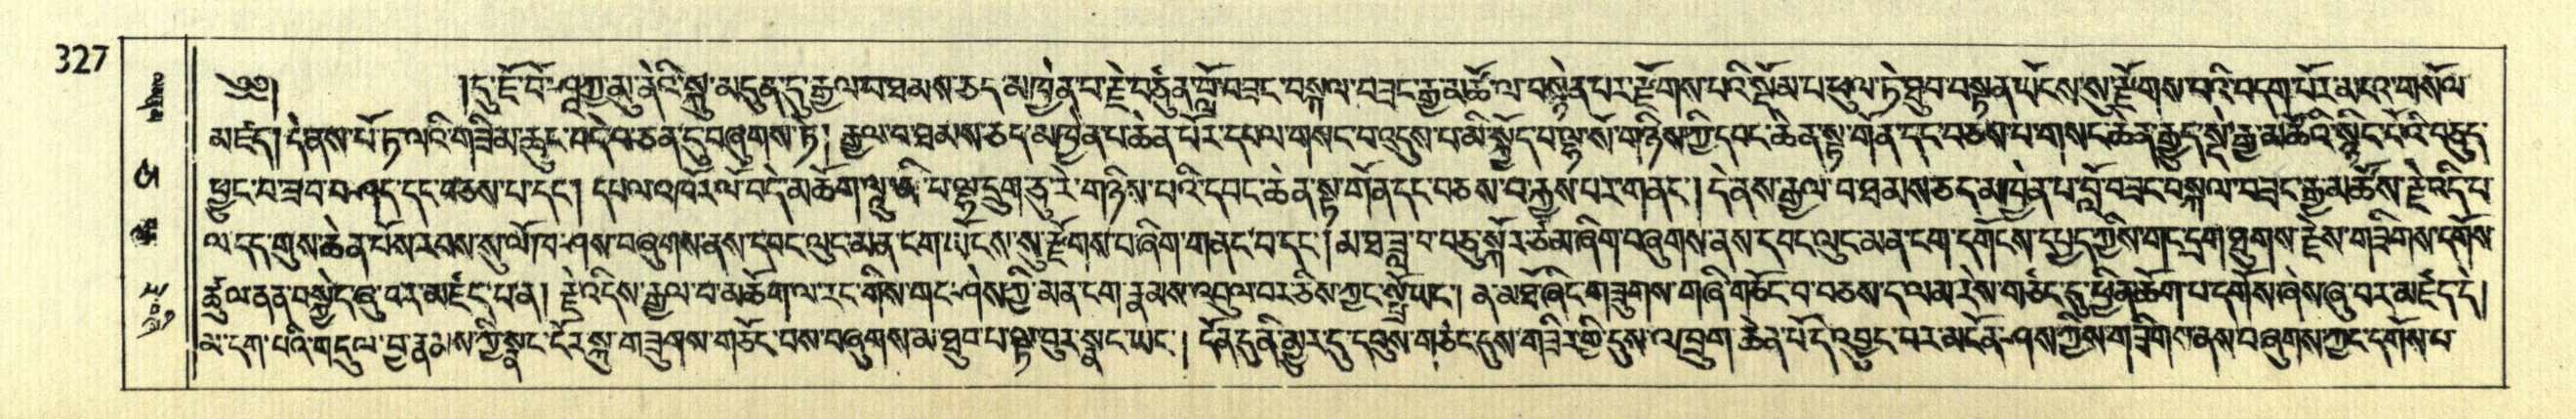༄༅། །དུ་ཇོ་བོ་ཤཱཀྱ་མུ་ནེའི་སྐུ་མདུན་དུ་རྒྱལ་བ་ཐམས་ཅད་མཁྱེན་པ་རྗེ་བཙུན་བློ་བཟང་བསྐལ་བཟང་རྒྱ་མཚོ་ལ་བསྙེན་པར་རྫོགས་པའི་སྡོམ་པ་ཕུལ་ཏེ་ཐུབ་བསྟན་ཡོངས་སུ་རྫོགས་པའི་བདག་པོར་མངའ་གསོལ་
མཛད། དེ་ནས་པོ་ཏ་ལའི་གཟིམ་ཆུང་བདེ་བ་ཅན་དུ་བཞུགས་ཏེ། རྒྱལ་བ་ཐམས་ཅད་མཁྱེན་པ་ཆེན་པོར་དཔལ་གསང་བ་འདུས་པ་མི་སྐྱོད་པ་ལྷ་སོ་གཉིས་ཀྱི་དབང་ཆེན་སྟ་གོན་དང་བཅས་པ་གསང་ཆེན་རྒྱུད་སྡེ་རྒྱ་མཚོའི་སྙིང་པོའི་བཅུད་
ཕྱུང་བ་ཟབ་བཤད་དང་བཅས་པ་དང་། དཔལ་འཁོར་ལོ་བདེ་མཆོག་ལཱུ་ཨི་པ་ལྷ་དྲུག་ཅུ་རེ་གཉིས་པའི་དབང་ཆེན་སྟ་གོན་དང་བཅས་བ་རྐྱས་པར་གནང་། དེ་ནས་རྒྱལ་བ་ཐམས་ཅད་མཁྱེན་པ་བློ་བཟང་བསྐལ་བཟང་རྒྱ་མཚོས་རྗེ་འདི་པ་
ལ་དད་གུས་ཆེན་པོས་རབས་སུ་ལོ་ཁ་ཤས་བཞུགས་ནས་དབང་ལུང་མན་ངག་ཡོངས་སུ་རྫོགས་པ་ཞིག་གནང་བ་དང་། མ་ཐ་ཟླ་བ་བཅུ་སྐོར་ཙམ་ཞིག་བཞུགས་ནས་དབང་ལུང་མན་ངག་དགོངས་དཔྱད་ཀྱིས་གང་དྲག་ཐུགས་རྗེས་གཟིགས་དགོས་
ཚུལ་ནན་བསྐྱེད་ཞུ་བར་མཛད་པ་ན། རྗེ་འདིས་རྒྱལ་བ་མཆོག་ལ་རང་གིས་གང་ཤེས་ཀྱི་མན་ངག་རྣམས་འབུལ་བར་ཅིས་ཀྱང་སྤྲོ་ཡང་། ན་མཐོ་ཞིང་གཟུགས་གཞི་གཅོང་བ་བཅས་ད་ལམ་རེས་གཙང་དུ་ཕྱིན་ཆོག་པ་དགོས་ཞེས་ཞུ་བར་མཛད་དེ།
མ་དག་པའི་གདུལ་བྱ་རྣམས་ཀྱི་སྣང་ངོར་སྐུ་གཟུགས་གཅོང་བས་བཞུགས་མ་ཐུབ་པ་ལྟ་བུར་སྣང་ཡང་། དོན་དུ་ནི་མྱུར་དུ་དབུས་གཙང་དུས་གཟིར་གྱི་དུས་འཁྲུག་ཆེན་པོ་དེ་འབྱུང་བར་མངོན་ཤས་ཀྱིས་གཟིགས་ནས་བཞུགས་ཀྱང་དགོས་པ་